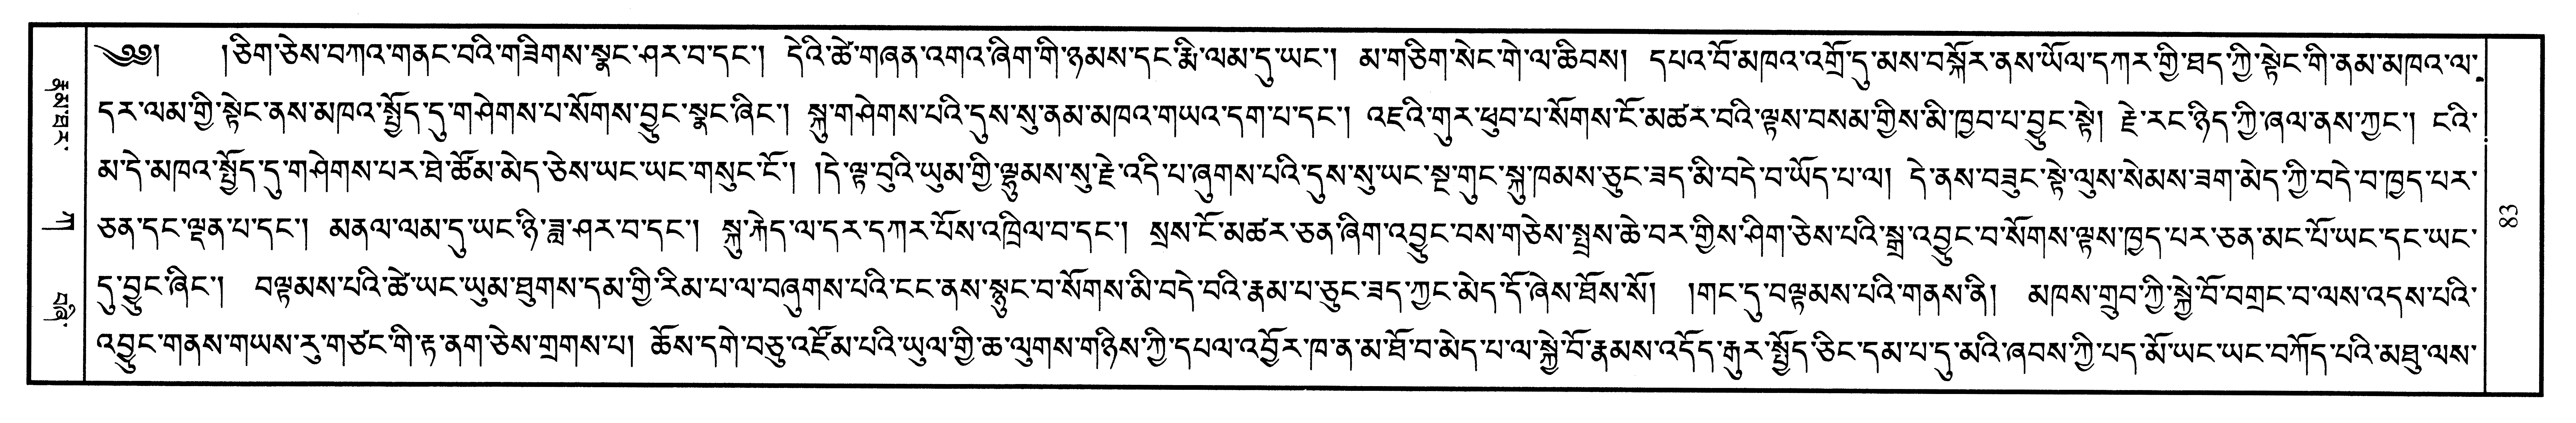༄༅། །ཅིག་ཅེས་བཀའ་གནང་བའི་གཟིགས་སྣང་ཤར་བ་དང་། དེའི་ཚེ་གཞན་འགའ་ཞིག་གི་ཉམས་དང་རྨི་ལམ་དུ་ཡང་། མ་གཅིག་སེང་གེ་ལ་ཆིབས། དཔའ་བོ་མཁའ་འགྲོ་དུ་མས་བསྐོར་ནས་ཡོལ་དཀར་གྱི་ཐད་ཀྱི་སྟེང་གི་ནམ་མཁའ་ལ་
དར་ལམ་གྱི་སྟེང་ནས་མཁའ་སྤྱོད་དུ་གཤེགས་པ་སོགས་བྱུང་སྣང་ཞིང་། སྐུ་གཤེགས་པའི་དུས་སུ་ནམ་མཁའ་གཡའ་དག་པ་དང་། འཇའི་གུར་ཕུབ་པ་སོགས་ངོ་མཚར་བའི་ལྟས་བསམ་གྱིས་མི་ཁྱབ་པ་བྱུང་སྟེ། རྗེ་རང་ཉིད་ཀྱི་ཞལ་ནས་ཀྱང་། ངའི་
མ་དེ་མཁའ་སྤྱོད་དུ་གཤེགས་པར་ཐེ་ཚོམ་མེད་ཅེས་ཡང་ཡང་གསུང་ངོ། །དེ་ལྟ་བུའི་ཡུམ་གྱི་ལྷུམས་སུ་རྗེ་འདི་པ་ཞུགས་པའི་དུས་སུ་ཡང་སྔ་གུང་སྐུ་ཁམས་ཅུང་ཟད་མི་བདེ་བ་ཡོད་པ་ལ། དེ་ནས་བཟུང་སྟེ་ལུས་སེམས་ཟག་མེད་ཀྱི་བདེ་བ་ཁྱད་པར་
ཅན་དང་ལྡན་པ་དང་། མནལ་ལམ་དུ་ཡང་ཉི་ཟླ་ཤར་བ་དང་། སྐུ་རྐེད་ལ་དར་དཀར་པོས་འཁྲིལ་བ་དང་། སྲས་ངོ་མཚར་ཅན་ཞིག་འབྱུང་བས་གཅེས་སྤྲས་ཆེ་བར་གྱིས་ཤིག་ཅེས་པའི་སྒྲ་འབྱུང་བ་སོགས་ལྟས་ཁྱད་པར་ཅན་མང་པོ་ཡང་དང་ཡང་
དུ་བྱུང་ཞིང་། བལྟམས་པའི་ཚེ་ཡང་ཡུམ་ཐུགས་དམ་གྱི་རིམ་པ་ལ་བཞུགས་པའི་ངང་ནས་སྙུང་བ་སོགས་མི་བདེ་བའི་རྣམ་པ་ཅུང་ཟད་ཀྱང་མེད་དོ་ཞེས་ཐོས་སོ། །གང་དུ་བལྟམས་པའི་གནས་ནི། མཁས་གྲུབ་ཀྱི་སྐྱེ་བོ་བགྲང་བ་ལས་འདས་པའི་
འབྱུང་གནས་གཡས་རུ་གཙང་གི་རྟ་ནག་ཅེས་གྲགས་པ། ཆོས་དགེ་བཅུ་འཛོམ་པའི་ཡུལ་གྱི་ཆ་ལུགས་གཉིས་ཀྱི་དཔལ་འབྱོར་ཁ་ན་མ་ཐོ་བ་མེད་པ་ལ་སྐྱེ་བོ་རྣམས་འདོད་རྒུར་སྤྱོད་ཅིང་དམ་པ་དུ་མའི་ཞབས་ཀྱི་པད་མོ་ཡང་ཡང་བཀོད་པའི་མཐུ་ལས་